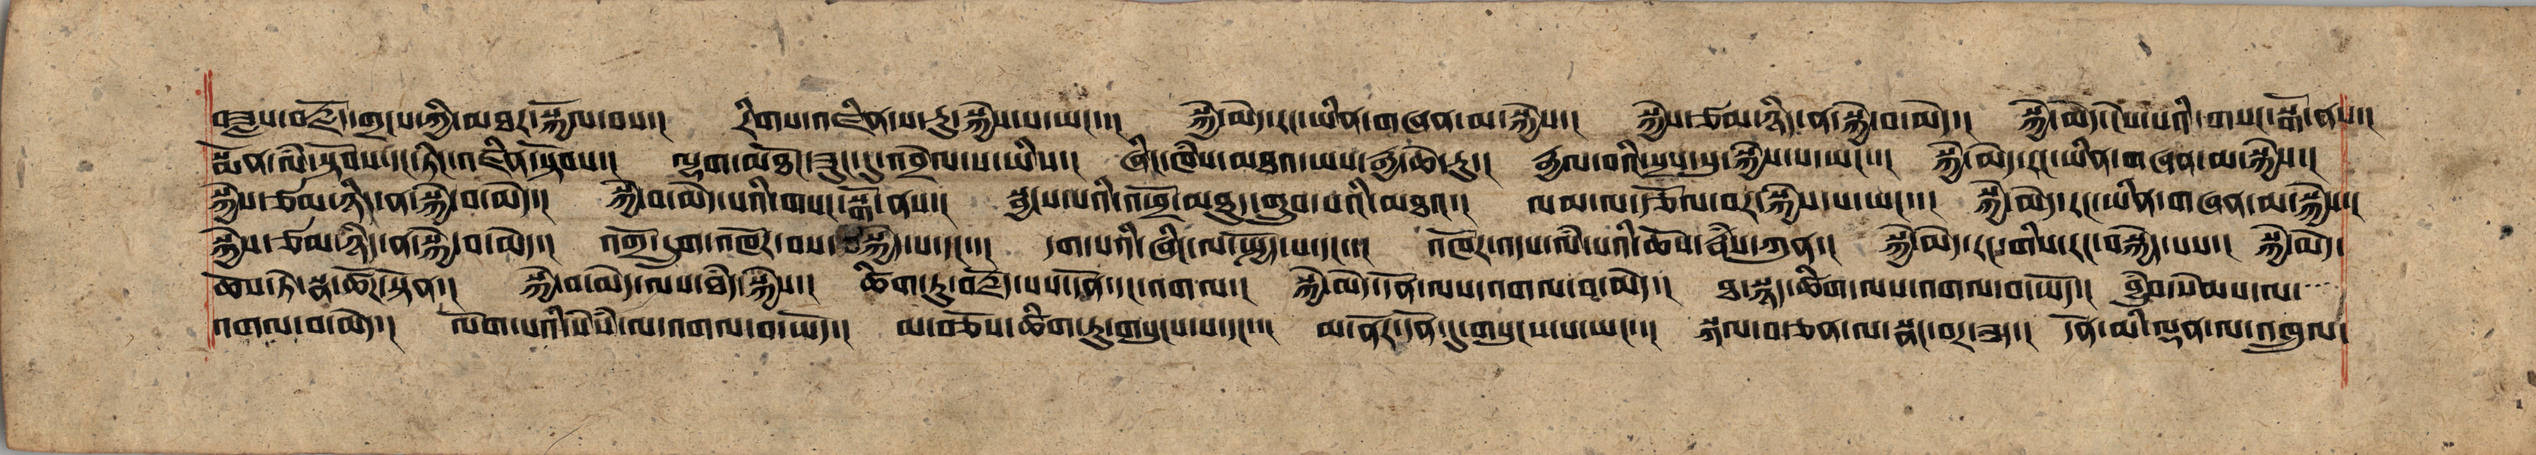བཟླས་བརྗོད་གྲངས་ཀྱི་མཐར་སྐྱོལ་བས་། རིགས་འཛིན་ས་རུ་སྐྱེས་པ་ཡང་་། སྐྱེ་མེད་རང་ཡིན་གཞན་མ་སྐྱེས་། སྐྱེས་ཙམ་ཉིད་ན་སྐྱེ་བ་མེད་། སྐྱེ་མེད་ངེས་པའི་གསང་སྒོ་ནས་།
སྨོན་ལཾ་སྟོབས་དང་ཏིང་འཛིན་སྟོབས་། ལྷག་མཐོང་ཟུང་དུ་འབྲེལ་པ་ཡིས་། ཞིང་ཁཾས་མཐའ་ཡས་རྒྱ་ཆེ་རུ་། རྒྱལ་བའི་སྲས་སུ་སྐྱེས་པ་ཡང་་། སྐྱེ་མེད་རང་ཡིན་གཞན་མ་སྐྱེས་།
སྐྱེས་ཙམ་ཉིད་ན་སྐྱེ་བ་མེད་། སྐྱེ་བ་མེད་པའི་གསང་སྒོ་ནས་། སྦྱངས་པའི་འཕྲོ་མཐུད་གྲུབ་པའི་མཐའ་། ལམ་ལ་རྩོལ་བར་སྐྱེས་པ་ཡང་་། སྐྱེ་མེད་རང་ཡིན་གཞན་མ་སྐྱེས་།
སྐྱེས་ཙམ་ཉིད་ན་སྐྱེ་བ་མེད་། འགྲོ་དྲུག་འཁོར་བས་བསྐྱེད་པ་དང་་། དག་པའི་ཞིང་ལ་སྤྱོད་པ་དང་་། འཁོར་འདས་ལཾ་པའི་ཆོས་རྣཾས་ཀུན་། སྐྱེ་མེད་རང་གིས་རང་བསྐྱེད་པས་། སྐྱེ་མེད་
ཆོས་ཏེ་སྣ་ཚོཌ་སྟོན་། སྐྱེ་བ་མེད་ལས་ཐཾད་སྐྱེས་། ཚིག་ཏུ་བརྗོད་པས་དོན་དང་འགལ་། སྐྱེ་མེད་དོན་ལས་འགལ་བ་མེད་། ཐ་སྙད་ཚིག་ལས་འགལ་བ་ཡོད་། བྱུཾབ་སེམས་ལ་
འགལ་བ་མེད་། ལོག་པའི་སེཾས་ལ་འགལ་བ་ཡོད་། མ་བཅོས་ཚིག་ཏུ་གསུངས་པ་དང་་། མ་ནོར་དོན་དུ་གསུངས་པ་ཡང་་། སྐལ་བ་ཅན་པ་སྣང་བར་ཟད་། དོན་མི་ལྡན་ལ་འཁྲུལ་